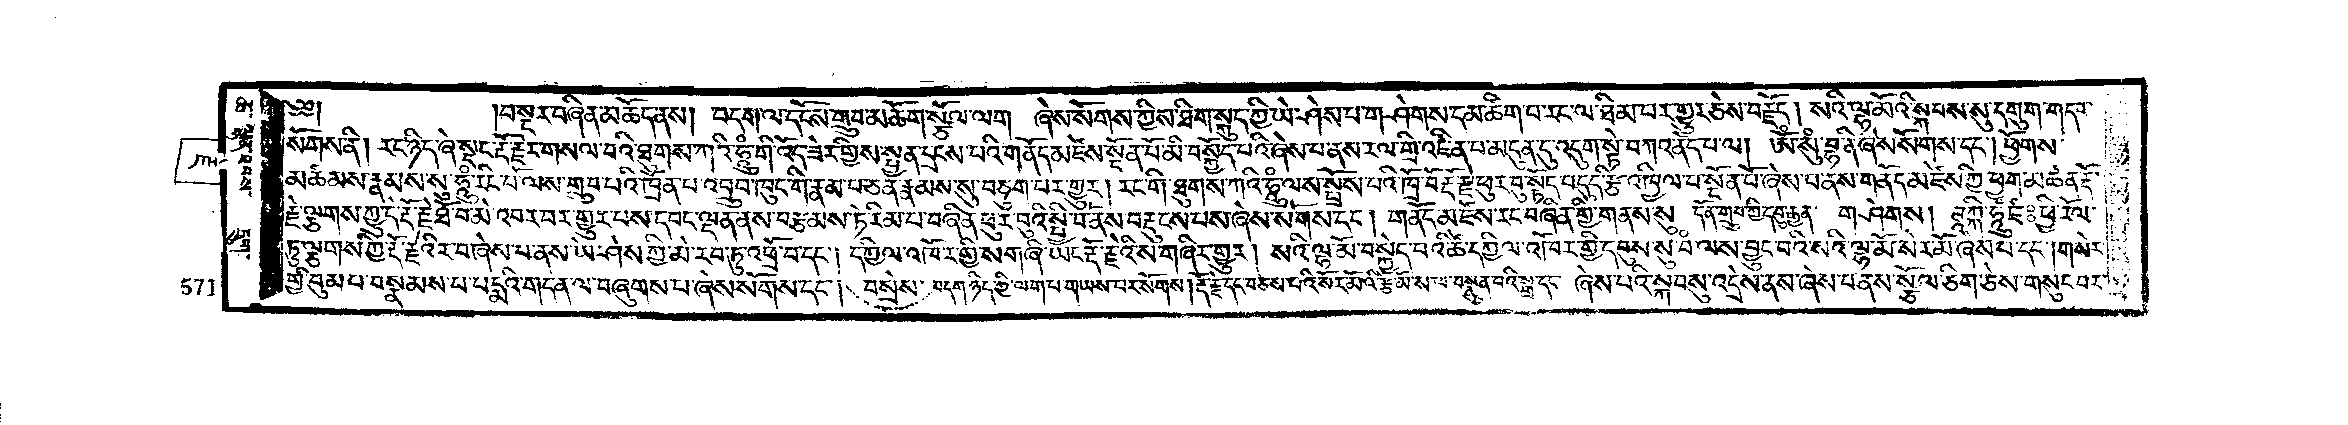༄༅། །པཱ་སཎགཱར་བཟཿཨྀཎ་མཅཿ྾ཌ་ཎཱས། བཌཱག་ལཱ་ཌཎག྾ས་གརཱུབ་མཅཿ྾ག་སྩོལ་ལག་ཞེས་སོགས་ཀྱིས་ཐིག་སྐུད་ཀྱི་ཡེ་ཤེས་པ་གཤེགས་དམ་ཚིག་པ་རང་ལ་ཐིམ་པར་གྱུར་ཅེས་བརྗོད། སའི་ལྷ་མོའི་སྐབས་སུ་དགུག་གདབ་
སོགས་ནི། རང་ཉིད་ཞེ་སྡང་རྡོ་རྗེར་གསལ་བའི་ཐུགས་ཀའི་ཧཱུཾ་གི་འོད་ཟེར་གྱིས་སྤྱན་དྲངས་པའི་གནོད་མཛེས་སྔོན་པོ་མི་བསྐྱོད་པའི་ཞེས་པ་ནས་རལ་གྲི་འཛིན་པ་མདུན་དུ་འདུག་སྟ་བཀའ་ནོད་པ་ལ། ཨོཾ་སུཾ་བྷ་ནི་ཞེས་སོགས་དང་། ཕྱོགས་
མཚམས་རྣམས་སུ་ཧཱུཾ་རིང་པོ་ལས་གྲུབ་པའི་ཁྲོན་པ་འབྲུབ་ཁུང་གི་རྣམ་པ་ཅན་རྣམས་སུ་བཅུག་པར་གྱུར། རང་གི་ཐུགས་ཀའི་ཧཱུཾ་ལས་སྤྲོས་པའི་ཁྲོ་བོ་རྡོ་རྗེ་ཕུར་བུ་སྟོད་བདུད་རྩི་འཁྱིལ་བ་སྔོན་པོ་ཞེས་པ་ནས་གནོད་མཛེས་ཀྱི་ཕྱག་མཚན་རྡོ་
རྗེ་ལྕགས་ཀྱུ་དེ་རྡོ་རྗེ་ཐོ་བ་མེ་འབར་བར་གྱུར་པས་དབང་ལྡན་ནས་བརྩམས་ཏེ་རིམ་པ་བཞིན་ཕུར་བུའི་སྤྱི་བོ་ནས་བརྡུངས་པས་ཞེས་སོགས་དང་།གནོད་མཛེས་རང་བཞིན་གྱི་གནས་སུ། དོན་གྲུབ་ཀྱི་དབུ་རྒྱན་གཤེགས། ཊྰྐྐི་ཧཱུཾ་ཛཿ ཕྱི་རོལ་
ཏུ་ལྕགས་ཀྱི་རྡོ་རྗེའི་ར་བ་ཞེས་པ་ནས་ཡེ་ཤེས་ཀྱི་མེ་རབ་ཏུ་འཕྲོ་བ་དང་། དཀྱིལ་འཁོར་གྱི་ས་གཞི་ཡང་རྡོ་རྗེའི་ས་གཞིར་གྱུར། སའི་ལྷ་མོ་བསྐྱེད་པའི་ཚེ་དཀྱིལ་འཁོར་གྱི་དབུས་སུ་བཾ་ལས་བྱུང་བའི་སའི་ལྷ་མོ་སེར་མོ་ཞེས་པ་དང་། གསེར་
གྱི་བུམ་པ་བསྣམས་པ་པདམའི་གདན་ལ་བཞུགས་པ་ཞེས་སོགས་དང་། བསྲེས་བདག་ཉིད་ཀྱི་ལག་པ་གཡས་པར་སོགས། རྡོ་རྗེ་དང་བཅས་པའི་སོར་མོའི་རྩེ་མོ་ས་ལ་བསྣུན་པའི་སྒྲ་དང་ཞེས་པའི་སྐབས་སུ་འདྲེས་ནས་ཞེས་པ་ནས་སྩོལ་ཅིག་ཅེས་གསུང་བར་